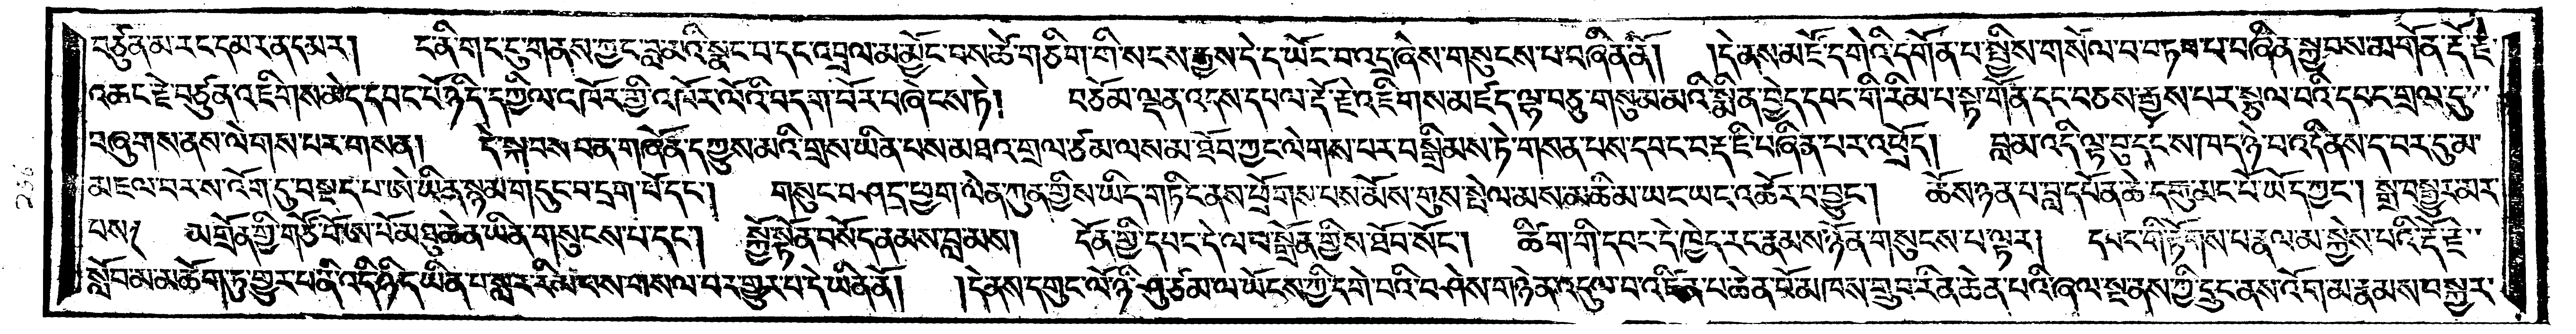བཙུན་མ་རང་དམར་ན་དམར། ད་ནི་གང་དུ་གནས་ཀྱང་བླ་མའི་སྣང་བ་དང་འབྲལ་མ་མྱོང་བས་ཚེ་གཅིག་གི་སངས་རྒྱས་དེ་ད་ཡོང་བ་འདྲ་ཞེས་གསུངས་པ་བཞིན་ནོ། །དེ་ནས་མཛོད་གེའི་དགོན་པ་སྤྱིས་གསོལ་བ་བཏབ་པ་བཞིན་སྐྱབས་མགོན་རྡོ་རྗེ་
འཆང་རྗེ་བཙུན་འཇིགས་མེད་དབང་པོ་ཉིད་དཀྱིལ་འཁོར་གྱི་འཁོར་ལོའི་བདག་པོར་བཞེངས་ཏེ། བཅོམ་ལྡན་འདས་དཔལ་རྡོ་རྗེ་འཇིགས་མཛད་ལྷ་བཅུ་གསུམ་མའི་སྨིན་བྱེད་དབང་གི་རིམ་པ་སྟ་གོན་དང་བཅས་རྒྱས་པར་སྩལ་བའི་དབང་གྲལ་དུ་
བཞུགས་ནས་ལེགས་པར་གསན། དེ་སྐབས་བན་གཞོན་དཀྱུས་མའི་གྲས་ཡིན་པས་མཐའ་གྲལ་ཙམ་ལས་མ་ཐོབ་ཀྱང་ལེགས་པར་བསྒྲིམས་ཏེ་གསན་པས་དབང་བརྡ་ཇི་བཞིན་པར་འཕྲོད། བླ་མ་འདི་ལྟ་བུ་དང་ས་ཁྱད་ཉེ་བ་འདི་ནས་ད་བར་དུ་མ་
མཇལ་བར་ས་འོག་དུ་བསྡད་པ་ཨེ་ཡིན་སྙམ་གདུང་བ་དྲག་པོ་དང་། གསུང་བཤད་ཕྱག་ལེན་ཀུན་གྱིས་ཡིད་གཏིང་ནས་ཕྲོགས་པས་མོས་གུས་སྤེལ་མས་མཆི་མ་ཡང་ཡང་འཆོར་འབྱུང་། ཆོས་ཉན་པ་བླ་དཔོན་ཆེ་དགུ་མང་པོ་ཡོད་ཀྱང་། སྒྲ་བ་སྒྱུར་མར་
པས༑ མགྲོན་གྱི་གཙོ་བོ་ཨ་པོ་མཐུ་ཆེན་ཡིན་གསུངས་པ་དང་། སྐྱོ་སྟོན་བསོད་ནམས་བླ་མས། དོན་གྱི་དབང་དེ་ལ་བསྒྲོན་གྱིས་ཐོབ་སོང་། ཚིག་གི་དབང་དེ་ཁྱེད་རང་རྣམས་ཉོན་གསུངས་པ་ལྟར། དབང་གི་རྟོགས་པ་རྣམ་མ་སྐྱེས་པའི་རྡོ་རྗེ་
སློབ་མ་མཆོག་ཏུ་གྱུར་པ་ནི་འདི་ཉིད་ཡིན་པ་སླར་རིམ་པས་གསལ་བར་གྱུར་པ་དེ་ཡིན་ནོ། །དེ་ནས་དགུང་ལོ་ཉི་ཤུ་ཙམ་ལ་ཡོངས་ཀྱི་དགེ་བའི་བཤེས་གཉིན་འདུལ་བ་འཛིན་པ་ཆེན་པོ་མཁས་གྲུབ་རིན་ཆེན་པའི་ཞལ་སྔ་ནས་ཀྱི་དྲུང་ནས་འོག་མ་རྣམས་བསྐྱར་